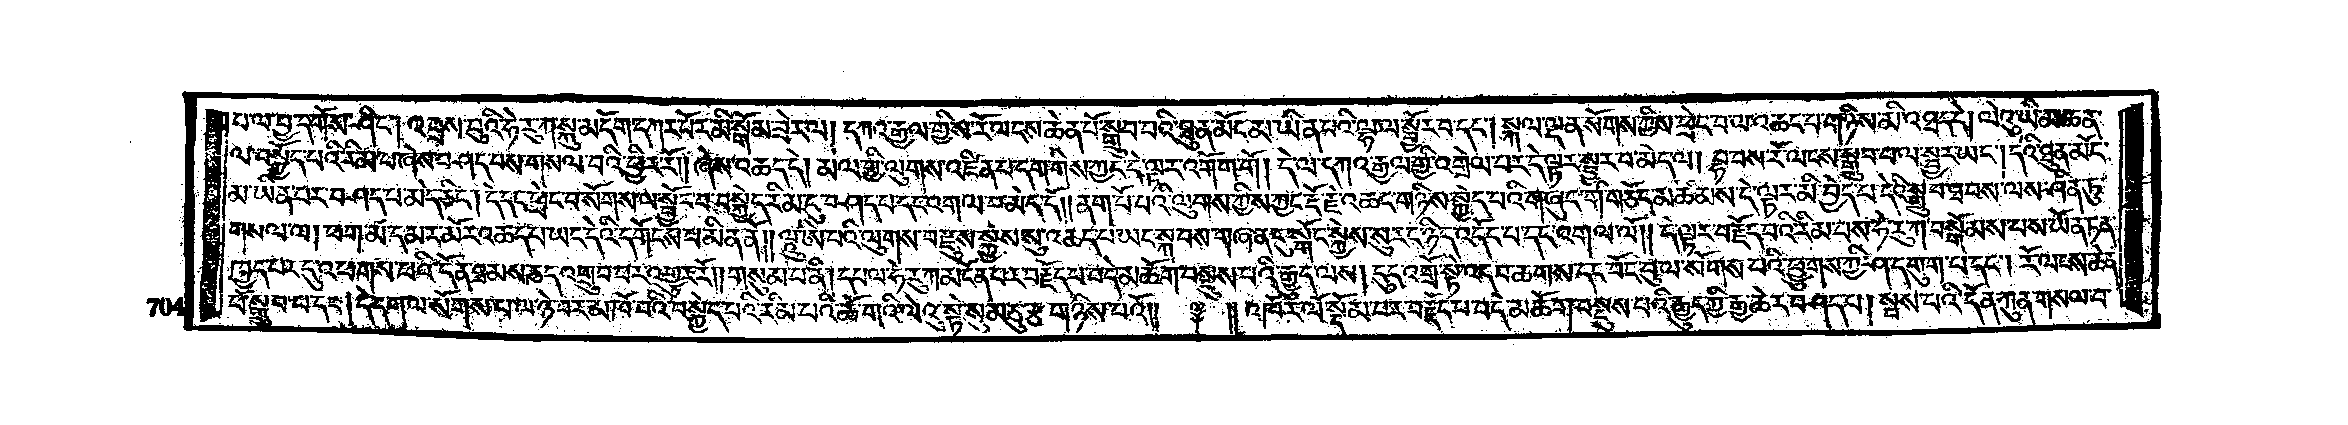པ་ལ་བྱ་དགོས་ཤིང་། འབྲས་བུའི་ཧེ་རུ་ཀ་སྐུ་མདོག་དཀར་པོར་མི་སྒོམ་ཟེར་ལ། དཀའ་རྒྱལ་གྱིས་རོ་ལངས་ཆེན་པོ་སྒྲུབ་པའི་ཐུན་མོང་མ་ཡིན་པའི་ལྷ་ལ་སྦྱོར་བ་དང་། སྐལ་ལྡན་སོགས་ཀྱིས་ཕྲེང་བ་ལ་འཆང་པ་གཉིས་མི་འཐད་དེ། ལེའུ་ཡི་མཚན་
ལ་བསྐྱེད་པའི་རིམ་པ་ཞེས་བཤད་པས་གསལ་བའི་ཕྱིར་རོ། །ཞེས་འཆད་དེ། མལ་གྱི་ལུགས་འཛིན་པ་དག་གིས་ཀྱང་དེ་ལྟར་འགོག་གོ། དེ་ལ་དཀའ་རྒྱལ་གྱི་འགྲེལ་པར་དེ་ལྟར་སྦྱར་བ་མེད་ལ། བྷ་བས་རོ་ལངས་སྒྲུབ་པ་ལ་སྦྱར་ཡང་། དེའི་ཐུན་མོང་
མ་ཡིན་པར་བཤད་པ་མེད་ཅིང་། དེ་དང་ཕྲེང་བ་སོགས་ལ་སྦྱོར་བ་བསྐྱེད་རིམ་དུ་བཤད་པ་དང་འགལ་བ་མེད་དོ། །ནག་པོ་པའི་ལུགས་ཀྱིས་ཀྱང་རྡོ་རྗེ་འཆང་གཉིས་སྐྱེད་པའི་གཞུང་གི་གཅོད་མཚམས་དེ་ལྟར་མི་བྱེད་པ་དེའི་སྒྲུབ་ཐབས་ལས་ཤིན་ཏུ་
གསལ་ལ། ཕག་མོ་དམར་མོར་འཆད་པ་ཡང་དེའི་དགོངས་པ་མིན་ནོ། །ལཱུ་ཨི་པའི་ལུགས་བརྫུས་སྐྱེས་སུ་འཆད་པ་ཡང་སྐབས་གཞན་དུ་སྒོང་སྐྱེས་སུ་རང་ཉིད་འདོད་པ་དང་འགལ་ལོ། །དེ་ལྟར་བརྗོད་པའི་རིམ་པས་ཧེ་རུ་ཀ་བསྒོམས་པས་ཡོན་ཏན་
ཁྱད་པར་དུ་འཕགས་པའི་དོན་ཐམས་ཅད་འགྲུབ་པར་འགྱུར་རོ། །གསུམ་པ་ནི། དཔལ་ཧེ་རུ་ཀ་མངོན་པར་བརྗོད་པ་བདེ་མཆོག་བསྡུས་པའི་རྒྱུད་ལས། དུད་འགྲོ་སྟེ་འདབ་ཆགས་དང་བོང་བུ་ལ་སོགས་པའི་ཕྱུགས་ཀྱི་ཤ་དགུག་པ་དང་། རོ་ལངས་ཆེན་
པོ་སྒྲུབ་པ་དང་། དེ་དག་ལ་སོགས་པ་ལ་ཉེ་བར་མཁོ་བའི་བསྐྱེད་པའི་རིམ་པའི་ཆོ་གའི་ལེའུ་སྟེ་སུམ་ཅུ་རྩ་གཉིས་པའོ།། ༈ །།འཁོར་ལོ་སྡོམ་པར་བརྗོད་པ་བདེ་མཆོག་བསྡུས་པའི་རྒྱུད་ཀྱི་རྒྱ་ཆེར་བཤད་པ། སྦས་པའི་དོན་ཀུན་གསལ་བ་